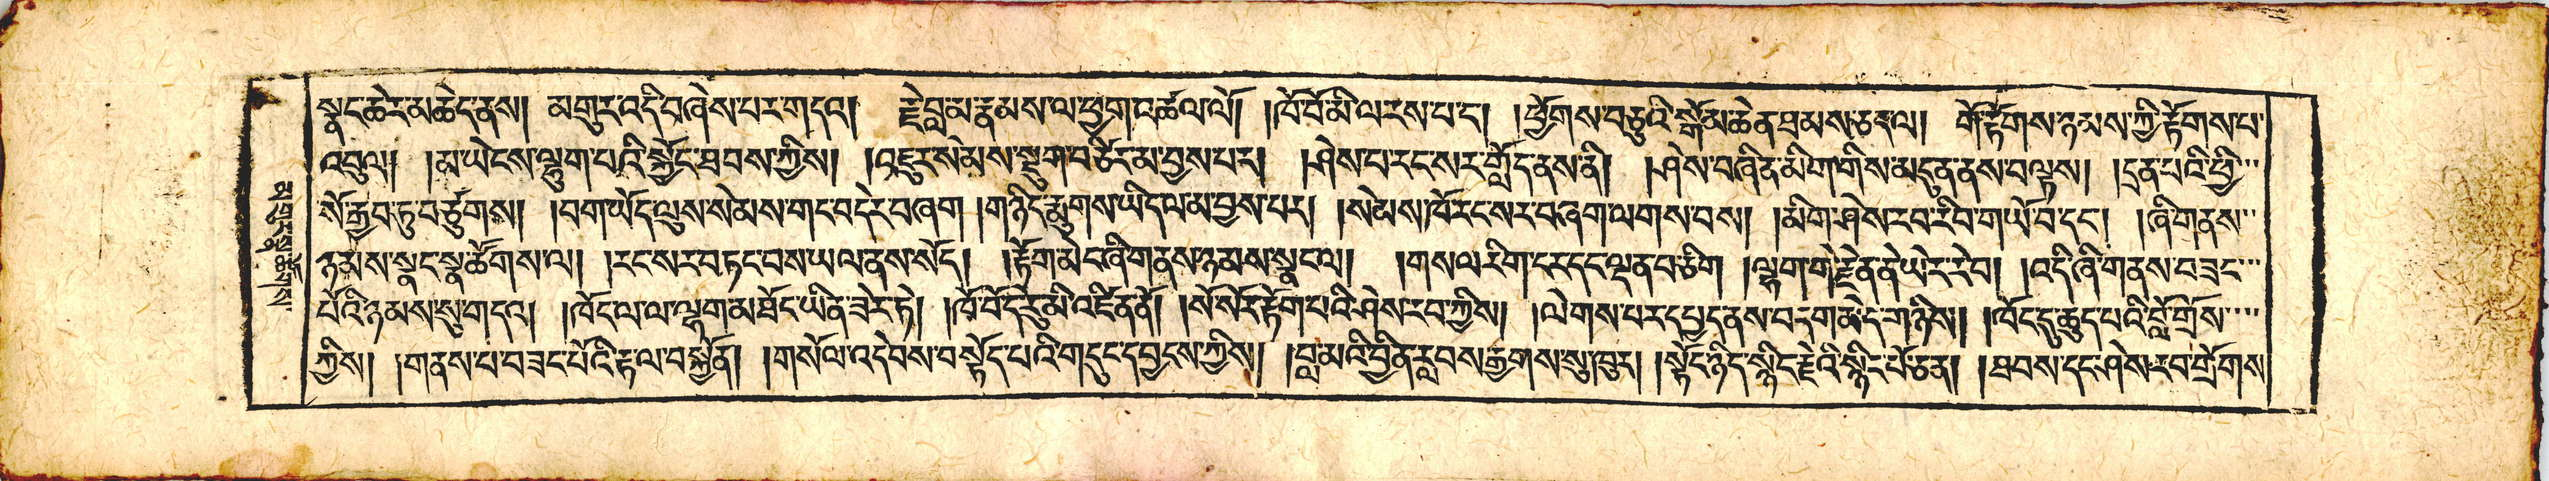ལའི་སྣང་ཆེར་མཆེད་ནས། མགུར་འདི་བཞེས་པར་གདའ། རྗེ་བླ་མ་རྣམས་ལ་ཕྱག་འཚལ་ལོ། །ཁོ་བོ་མི་ལ་རས་པ་ང་། །ཕྱོགས་བཅུའི་སྒོམ་ཆེན་ཐམས་ཅད་ལ། གོ་རྟོགས་ཉམས་ཀྱི་རྟོགས་པ་
འབུལ། །མ་ཡེངས་ལྷུག་པའི་སྐྱོང་ཐབས་ཀྱིས། །འཇུར་སེམས་སྡུག་བཙིར་མ་བྱས་པར། །ཤེས་པ་རང་སར་གློད་ནས་ནི། །ཤེས་བཞིན་མིག་གིས་མདུན་ནས་བལྟས། །དྲན་པའི་ཕྱི་་
སོ་རྒྱབ་ཏུ་བཙུགས། །བག་ཡོད་ལུས་སེམས་གང་བདེར་བཞག །གཉིད་རྨུགས་ཡིད་ལ་མ་བྱས་པར། །སེམས་ཁོ་རང་སར་བཞག་ལགས་པས། །མིག་ཤེས་རབ་རིབ་གཡོ་བ་དང་། །ཞི་གནས་
ཉམས་སྣང་སྣ་ཚོགས་ལ། །རང་སར་བཏང་བས་ཡལ་ནས་སོང་། །རྟོག་མེད་ཞི་གནས་ཉམས་སྣང་ལ། །གསལ་རིག་ངར་དང་ལྡན་པ་ཅིག །ལྷག་གེ་རྗེན་ནེ་ཡེར་རེ་བ། །འདི་ཞི་གནས་བཟང་
པོའི་ཉམས་སུ་གདའ། །ཁོང་ལ་ལ་ལྷག་མཐོང་ཡིན་ཟེར་ཏེ། །ཁོ་བོ་དེ་རུ་མི་འཛིན་ནོ། །སོ་སོར་རྟོག་པའི་ཤེས་རབ་ཀྱིས། །ལེགས་པར་དཔྱད་ནས་བདག་མེད་གཉིས། །ཁོང་དུ་ཆུད་པའི་བློ་གྲོས་
ཀྱིས། །གནས་པ་བཟང་པོའི་རྟ་ལ་བསྐྱོན། །གསོལ་འདེབས་བསྟོད་པའི་གདུང་དབྱངས་ཀྱིས། །བླ་མའི་བྱིན་རླབས་རྒྱགས་སུ་ཁུར། །སྟོང་ཉིད་སྙིངརྗེའི་སྙིང་པོ་ཅན། །ཐབས་དང་ཤེས་རབ་གྲོགས་